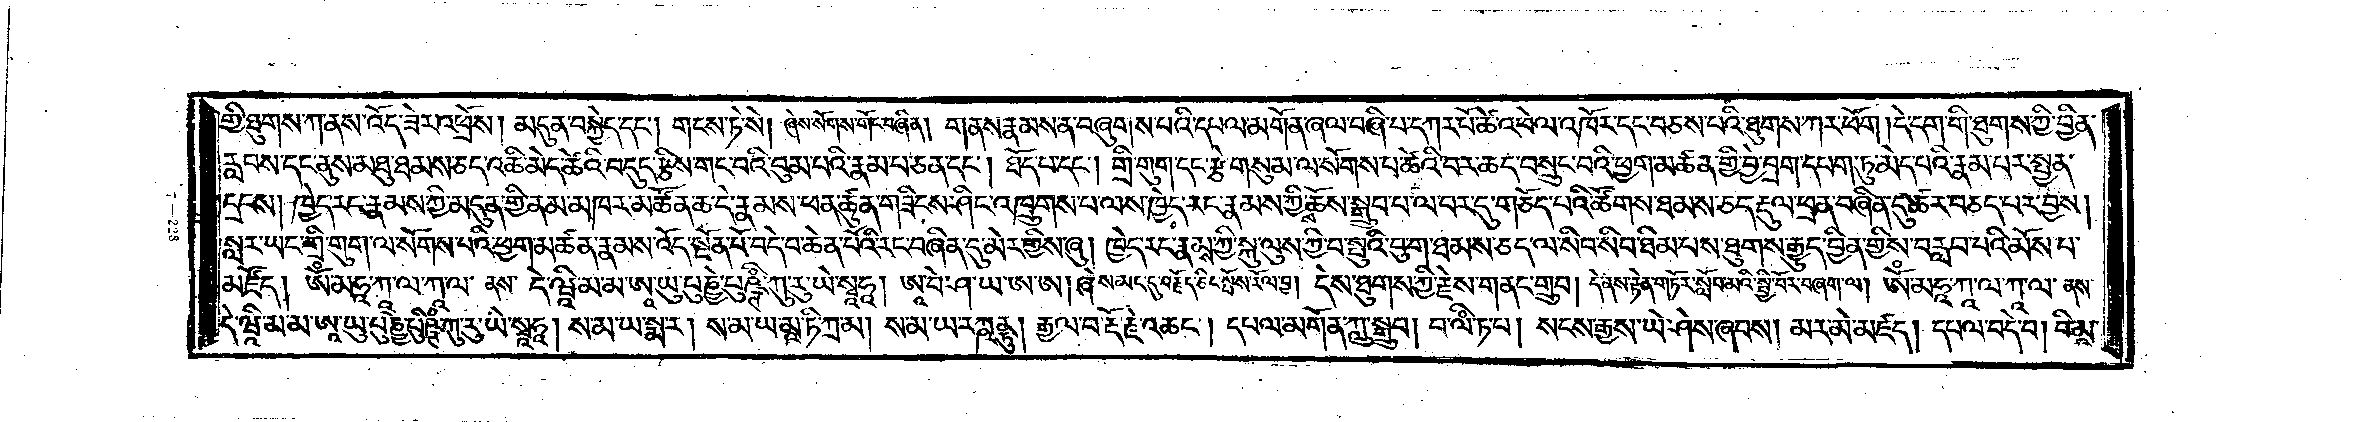གྱི་ཐུགས་ཀ་ནས་འོད་ཟེར་འཕྲོས། མདུན་བསྐྱེད་དང་། གངས་ཏེ་སེ། ཞེས་སོགས་གོང་བཞིན།  གནས་རྣམས་ན་བཞུགས་པའི་དཔལ་མགོན་ཞལ་བཞི་པ་དཀར་པོ་ཚེ་འཕེལ་འཁོར་དང་བཅས་པའི་ཐུགས་ཀར་ཕོག །དེ་དག་གི་ཐུགས་ཀྱི་བྱིན་
རླབས་དང་ནུས་མཐུ་ཐམས་ཅད་འཆི་མེད་ཚེའི་བདུད་རྩིས་གང་བའི་བུམ་པའི་རྣམ་པ་ཅན་དང་། ཐོད་པ་དང་། གྲི་གུག་དང་རྩེ་གསུམ་ལ་སོགས་པ་ཚེའི་བར་ཆད་བསྲུང་བའི་ཕྱག་མཚན་གྱི་བྱེ་བྲག་དཔག་ཏུ་མེད་པའི་རྣམ་པར་སྤྱན་
དྲངས། ཁྱེད་རང་རྣམས་ཀྱི་མདུན་གྱི་ནམ་མཁར་མཚོན་ཆ་དེ་རྣམས་ཕན་ཚུན་གཟིངས་ཤིང་འཁྲུགས་པ་ལས་ཁྱེད་རང་རྣམས་ཀྱིས་ཆོས་སྒྲུབ་པ་ལ་བར་དུ་གཅོད་པའི་ཚོགས་ཐམས་ཅད་རྡུལ་ཕྲན་བཞིན་དུ་ཚར་བཅད་པར་བྱས།
སླར་ཡང་གྲི་གུག་ལ་སོགས་པའི་ཕྱག་མཚན་རྣམས་འོད་སྔོན་པོ་བདེ་བ་ཆེན་པོའི་རང་བཞིན་དུ་མེར་གྱིས་ཞུ། ཁྱེད་རང་རྣམས་ཀྱི་སྐུ་ལུས་ཀྱི་བ་སྤུའི་པུ་ག་ཐམས་ཅད་ལ་སིབ་སིབ་ཐིམ་པས་ཐུགས་རྒྱུད་བྱིན་གྱིས་བརླབ་པའི་མོས་པ་
མཛོད། ཨོཾ་མཧཱ་ཀཱ་ལ་ཀཱ་ལ་ནས་དེ་ཝཱི་མ་མ་ཨཱ་ཡུ་པུཎྱེཾ་པུཥྚིཾ་ཀུ་རུ་ཡེ་སྭཱཧཱ། ཨཱ་པེ་ཤ་ཡ་ཨ་ཨ། ཞེས་མང་དུ་བརྗོད་ཅིང་སྤོས་རོལ་བྱ།  དེས་ཐུགས་ཀྱི་རྗེ་གནང་གྲུབ། དེ་ནས་རྟེན་གཏོར་སློབ་མའི་སྤྱི་བོར་བཞག་ལ།  ཨོཾ་མཧཱ་ཀཱ་ལ་ཀཱ་ལ་ནས
དེ་ཝཱི་མ་མ་ཨཱ་ཡུ་པུཎྱེ་པུཥྚིཾ་ཀུ་རུ་ཡེ་སྭཱཧཱ། ས་མ་ཡ་སྨ་ར། ས་མ་ཡ་མཱ་ཏི་ཀྲ་མ། ས་མ་ཡ་རཀྵནྚུ། རྒྱལ་བ་རྡོ་རྗེ་འཆང་། དཔལ་མགོན་ཀླུ་སྒྲུབ། བ་ལིཾ་ཏ་པ། སངས་རྒྱས་ཡེ་ཤེས་ཞབས། མར་མེ་མཛད། དཔལ་བདེ་བ། བི་མཱ་